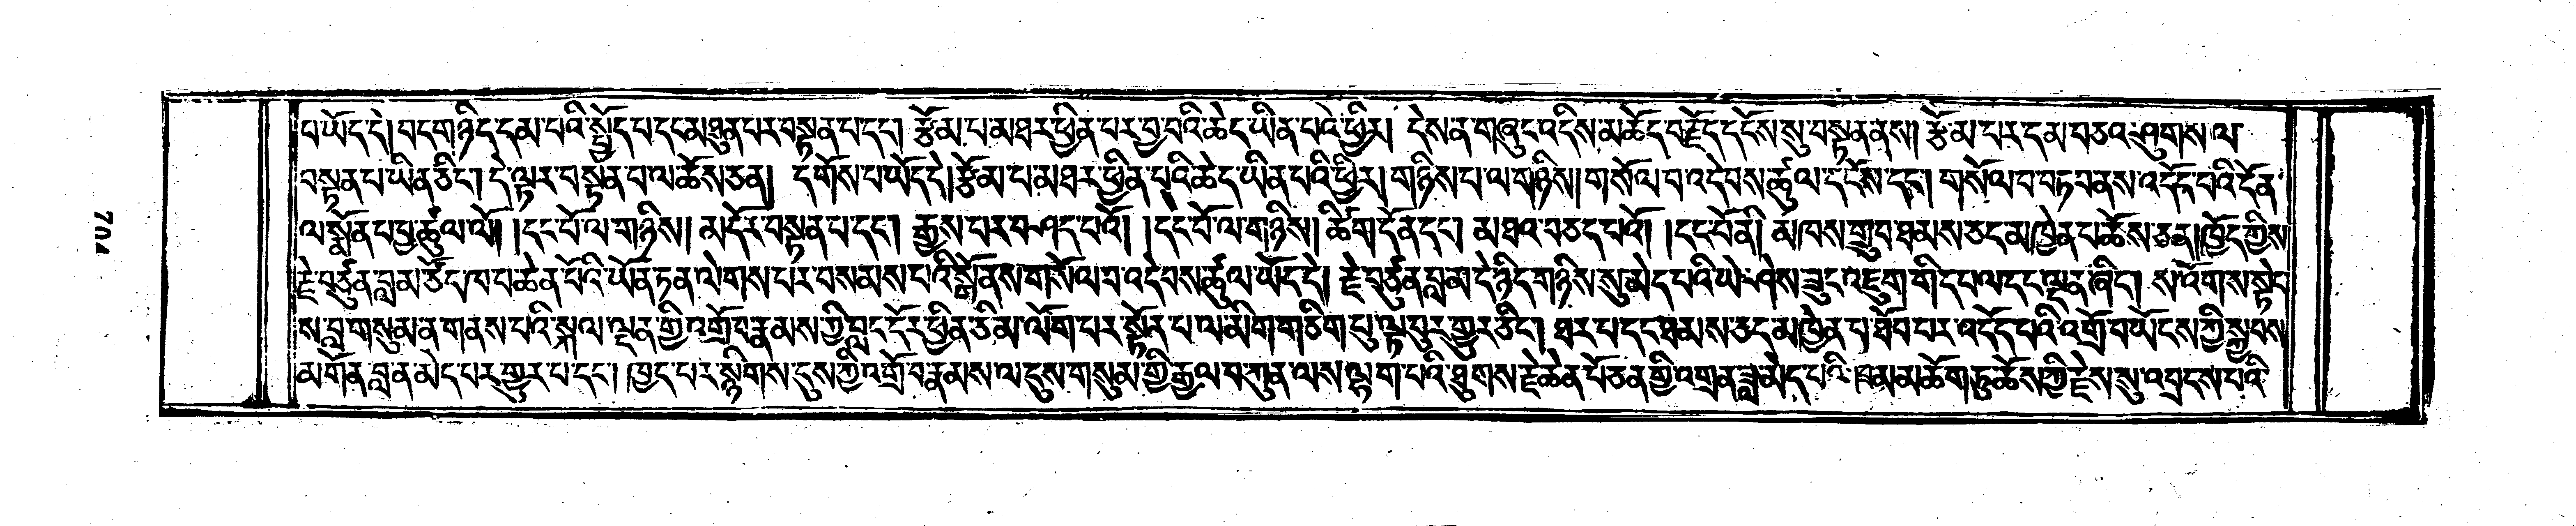པ་ཡོད་དེ། བདག་ཉིད་དམ་པའི་སྤྱོད་པ་དང་། མཐུན་པར་བསྟན་པ་དང་། རྩོམ་པ་མཐར་ཕྱིན་པར་བྱ་བའི་ཆེད་ཡིན་པའི་ཕྱིར། དེས་ན་གཞུང་འདིས་མཆོད་བརྗོད་དངོས་སུ་བསྟན་ནས། རྩོམ་པར་དམ་བཅའ་ཤུགས་ལ་
བསྟན་པ་ཡིན་ཅིང་། དེ་ལྟར་བསྟན་པ་ལ་ཆོས་ཅན། དགོས་པ་ཡོད་དེ། རྩོམ་པ་མཐར་ཕྱིན་པའི་ཆེད་ཡིན་པའི་ཕྱིར། གཉིས་པ་ལ་གཉིས། གསོལ་བ་འདེབས་ཚུལ་དངོས་དང་། གསོལ་བ་བཏབ་ནས་འདོད་པའི་དོན་
ལ་སྨོན་པ་བྱ་ཚུལ་ལོ། །དང་པོ་ལ་གཉིས། མདོར་བསྟན་པ་དང་། རྒྱས་པར་བཤད་པའོ། །དང་པོ་ལ་གཉིས། ཚིག་དོན་དང་། མཐའ་བཅད་པའོ། །དང་པོ་ནི། མཁས་གྲུབ་ཐམས་ཅད་མཁྱེན་པ་ཆོས་ཅན། ཁྱོད་ཀྱིས་
རྗེ་བཙུན་བླ་མ་ཙོང་ཁ་པ་ཆེན་པོའི་ཡོན་ཏན་ལེགས་པར་བསམས་པའི་སྒོ་ནས་གསོལ་བ་འདེབས་ཚུལ་ཡོད་དེ། རྗེ་བཙུན་བླ་མ་དེ་ཉིད་གཉིས་སུ་མེད་པའི་ཡེ་ཤེས་ཟུང་འཇུག་གི་དཔལ་དང་ལྡན་ཞིང་། ས་འོག་ས་སྟེང་
ས་བླ་གསུམ་ན་གནས་པའི་སྐལ་ལྡན་གྱི་འགྲོ་བ་རྣམས་ཀྱི་བླང་དོར་ཕྱིན་ཅི་མ་ལོག་པར་སྟོན་པ་ལ་མིག་གཅིག་པུ་ལྟ་བུར་གྱུར་ཅིང་། ཐར་པ་དང་ཐམས་ཅད་མཁྱེན་པ་ཐོབ་པར་འདོད་པའི་འགྲོ་བ་ཡོངས་ཀྱི་སྐྱབས་
མགོན་བླ་ན་མེད་པར་གྱུར་པ་དང་། ཁྱད་པར་སྙིགས་དུས་ཀྱི་འགྲོ་བ་རྣམས་ལ་དུས་གསུམ་གྱི་རྒྱལ་བ་ཀུན་ལས་ལྷག་པའི་ཐུགས་རྗེ་ཆེན་པོ་ཅན་གྱི་འགྲན་ཟླ་མེད་པའི་བླ་མ་མཆོག་ཏུ་ཆོས་ཀྱི་རྗེས་སུ་འབྲངས་པའི་